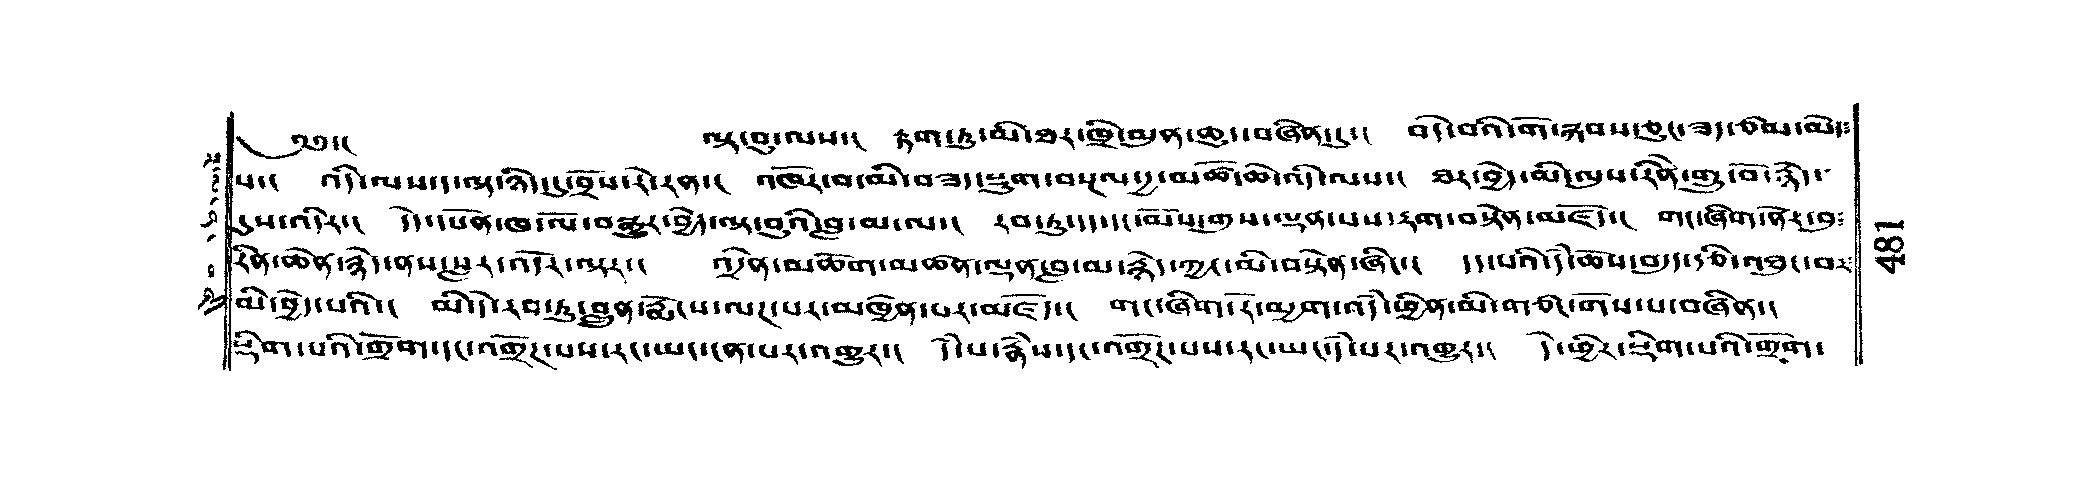ལྟ་བུ་ལས། །རྟག་ཏུ་མི་ཐར་ཁྲི་མུན་ཆུད་བཞིན་དུ། །བདེ་བའི་གོ་སྐབས་ཅུང་ཟད་ཙམ་མེད་
པ། །འདི་ལས་ད་ལྟ་ཉིད་དུ་བྲོས་རེ་རན། །འཁོར་བ་མི་བཟད་སྡུག་བསྔལ་རྒྱ་མཚོ་ཆེ་འདི་ལས། །ཐར་བྱེད་མི་ལུས་རིན་ཆེན་གྲུ་བོ་རྙེད་
དུས་འདིར། །དེད་དཔོན་ཁ་ལོ་བསྒྱུར་བྱེད་ལྟ་བུའི་བླ་མ་ལ། །རབ་ཏུ་དད་དང་མོས་གུས་ལྡན་པས་རྟག་བསྟེན་མཛོད། །གང་ཞིག་ནོར་བུ་
རིན་ཆེན་བརྙེད་ནས་སླར་འདོར་ལྟར། །འདྲེན་མཆོག་མཚན་ལྡན་བླ་མ་བརྙེད་ཀྱང་མི་བསྟེན་ཞིང་། །དད་པའི་དམ་ཆོས་བདུད་རྩི་འཐུང་བར་
མི་བྱེད་པའི། །མི་དེ་རབ་ཏུ་བླུན་རྨོངས་ལགས་པར་མཁྱེན་པར་མཛོད། །གང་ཞིག་རོ་མྱགས་འདམ་ཕྱིན་མི་གཙང་གོས་པ་བཞིན། །
སྡིག་པའི་གྲོགས་དང་འགྲོགས་པས་རང་ཡང་ངན་པར་འགྱུར། །དམ་པ་རྣམས་དང་འགྲོགས་པས་རང་ཡང་དམ་པར་འགྱུར། །དེ་ཕྱིར་སྡིག་པའི་གྲོགས་